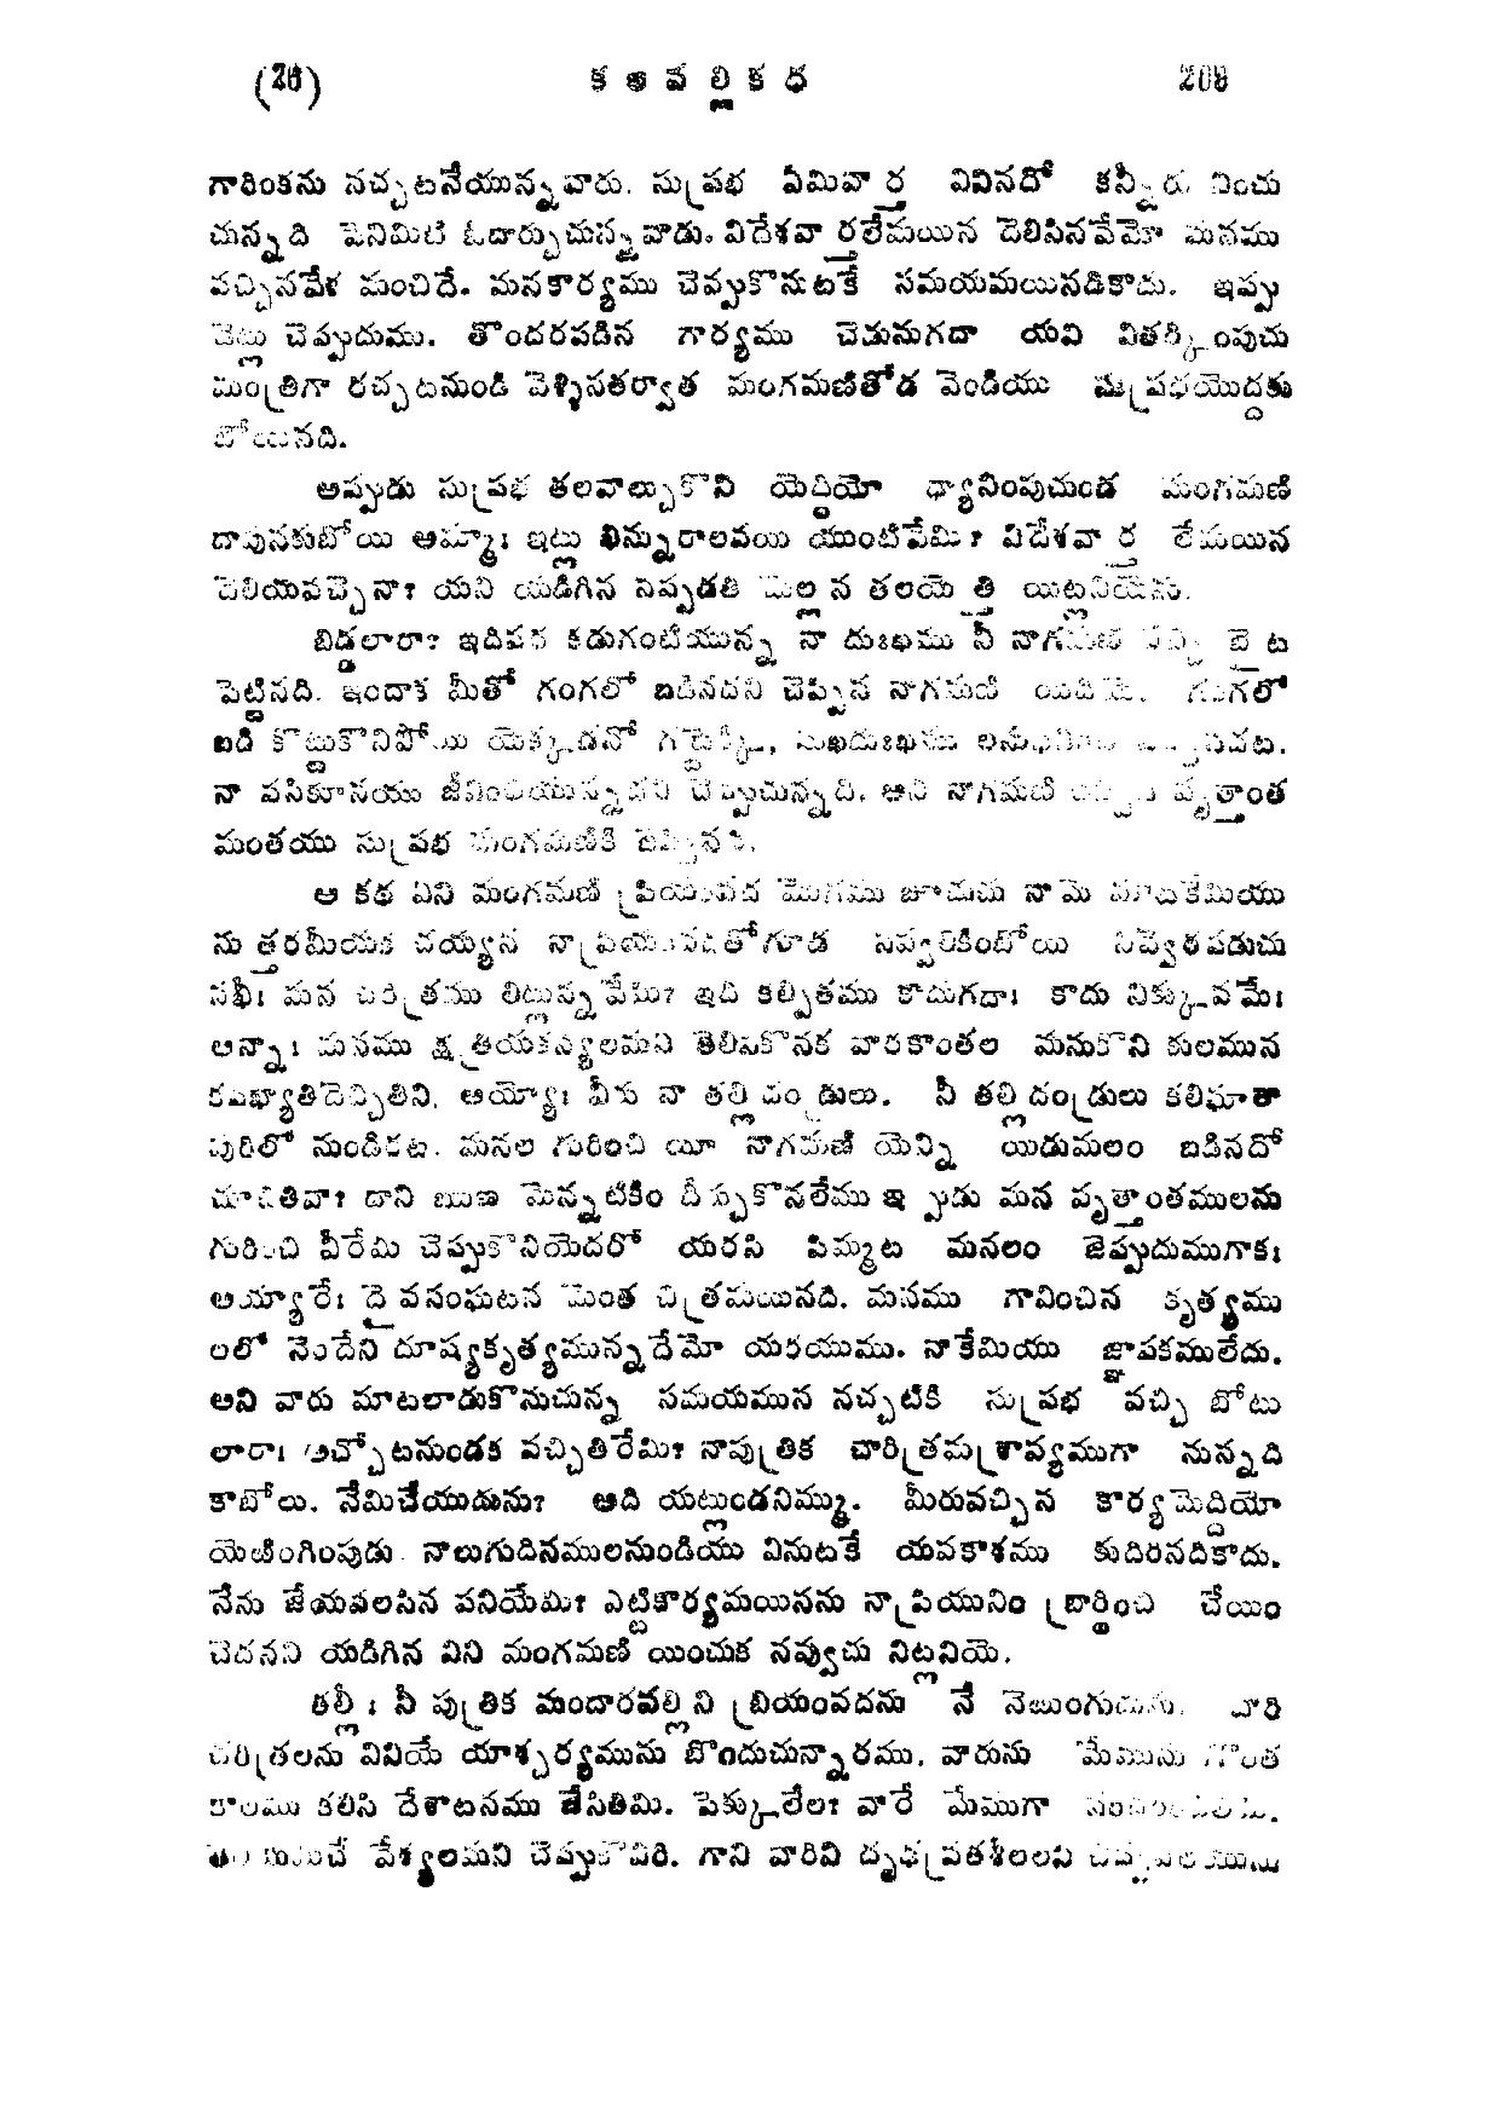గారింకను నచ్చటనేయున్నవారు. సుప్రభ ఏమివార్త వినినదో కన్నీరు నించుచున్నది. పెనిమిటి ఓదార్చుచున్నవాడు. విదేశవార్తలేమయిన దెలిసినవేమో మనము వచ్చినవేళ మంచిదే. మనకార్యము చెప్పుకొనుటకే సమయమయినదికాదు. ఇప్పు డెట్లు చెప్పుదుము. తొందరపడిన గార్యము చెడునుగదా
యని వితర్కింపుచు మంత్రిగా రచ్చటనుండి వెళ్ళినతర్వాత మంగమణితోడ వెండియు సుప్రభయొద్దకు
బోయినది.

అప్పుడు సుప్రభ తలవాల్చుకొని యెద్దియో ధ్యానింపుచుండ మంగమణి దాపునకుబోయి అమ్మా! ఇట్లు ఖిన్నురాలవయి యుంటివేమి? విదేశవార్త లేమయిన దెలియవచ్చెనా? యని యడిగిన నప్పడతి మెల్లన తలయెత్తి యిట్లనియెను.

బిడ్డలారా? ఇదివర కడుగంటియున్న నా దుఃఖము నీ నాగమణి వచ్చి బైట పెట్టినది. ఇందాక మీతో గంగలో బడినదని చెప్పిన నాగమణి యిదియె. గంగలో బడి కొట్టుకొనిపోయి యెక్కడనో గట్టెక్కి, సుఖదుఃఖము లనుభవించి వచ్చెనదట. నా పసికూనయు జీవించియున్నదని చెప్పుచున్నది. అని నాగమణి చెప్పిన వృత్తాంత మంతయు సుప్రభ మంగమణికి జెప్పినది.

ఆ కథ విని మంగమణి ప్రియంవద మొగము జూచుచు నామె మాటకేమియు నుత్తరమీయక చయ్యన నాప్రియంవదతో గూడ నవ్వలికింబోయి నివ్వెరపడుచు సఖీ! మన చరిత్రము లిట్లున్నవేమి ? ఇది కల్పితము కాదుగదా? కాదు నిక్కువమే? అన్నా! మనము క్షత్రియకన్యలమని తెలిసికొనక వారకాంతల మనుకొని కులమున కపఖ్యాతిదెచ్చితిని. అయ్యో! వీరు నా తల్లిదండ్రులు. నీ తల్లిదండ్రులు కలిఘాతాపురిలో నుండిరట. మనల గురించి యీ నాగమణి యెన్ని యిడుమలం బడినదో చూచితివా! దాని ఋణ మెన్నటికిం దీర్చుకొనలేము ఇప్పుడు మన వృత్తాంతములను గురించి వీరేమి చెప్పుకొనియెదరో యరసి పిమ్మట మనలం జెప్పుదుముగాక? అయ్యారే! దైవసంఘటన మెంత చిత్రమయినది. మనము గావించిన కృత్యములలో నెందేని దూష్యకృత్యమున్నదేమో యరయుము. నాకేమియు జ్ఞాపకములేదు. అని వారు మాటలాడుకొనుచున్న సమయమున నచ్చటికి సుప్రభ వచ్చి బోటు లారా! అచ్చోటనుండక వచ్చితిరేమి? నాపుత్రిక చారిత్ర మశ్రావ్యముగా నున్నది కాబోలు. నేమిచేయుదును? అది యట్లుండనిమ్ము. మీరువచ్చిన కార్య మెద్దియో యెఱింగింపుడు. నాలుగుదినములనుండియు వినుటకే యవకాశము కుదిరినదికాదు. నేను జేయవలసిన పనియేమి? ఎట్టికార్యమయినను నా ప్రియునిం బ్రార్థించి చేయించెదనని యడిగిన విని మంగమణి యించుక నవ్వుచు నిట్లనియె.

తల్లీ ! నీ పుత్రిక మందారవల్లిని బ్రియంవదను నే నెఱుంగుదును. వారి చరిత్రలను వినియే యాశ్చర్యమును బొందుచున్నారము. వారును మేమును గొంత కాలము కలిసి దేశాటనము జేసితిమి. పెక్కులేల? వారే మేముగా సంచరించితిమి. తెలియమిచే వేశ్యలమని చెప్పుకొనిరి. గాని వారిని దృఢవ్రతశీలలని చెప్పవలయును.